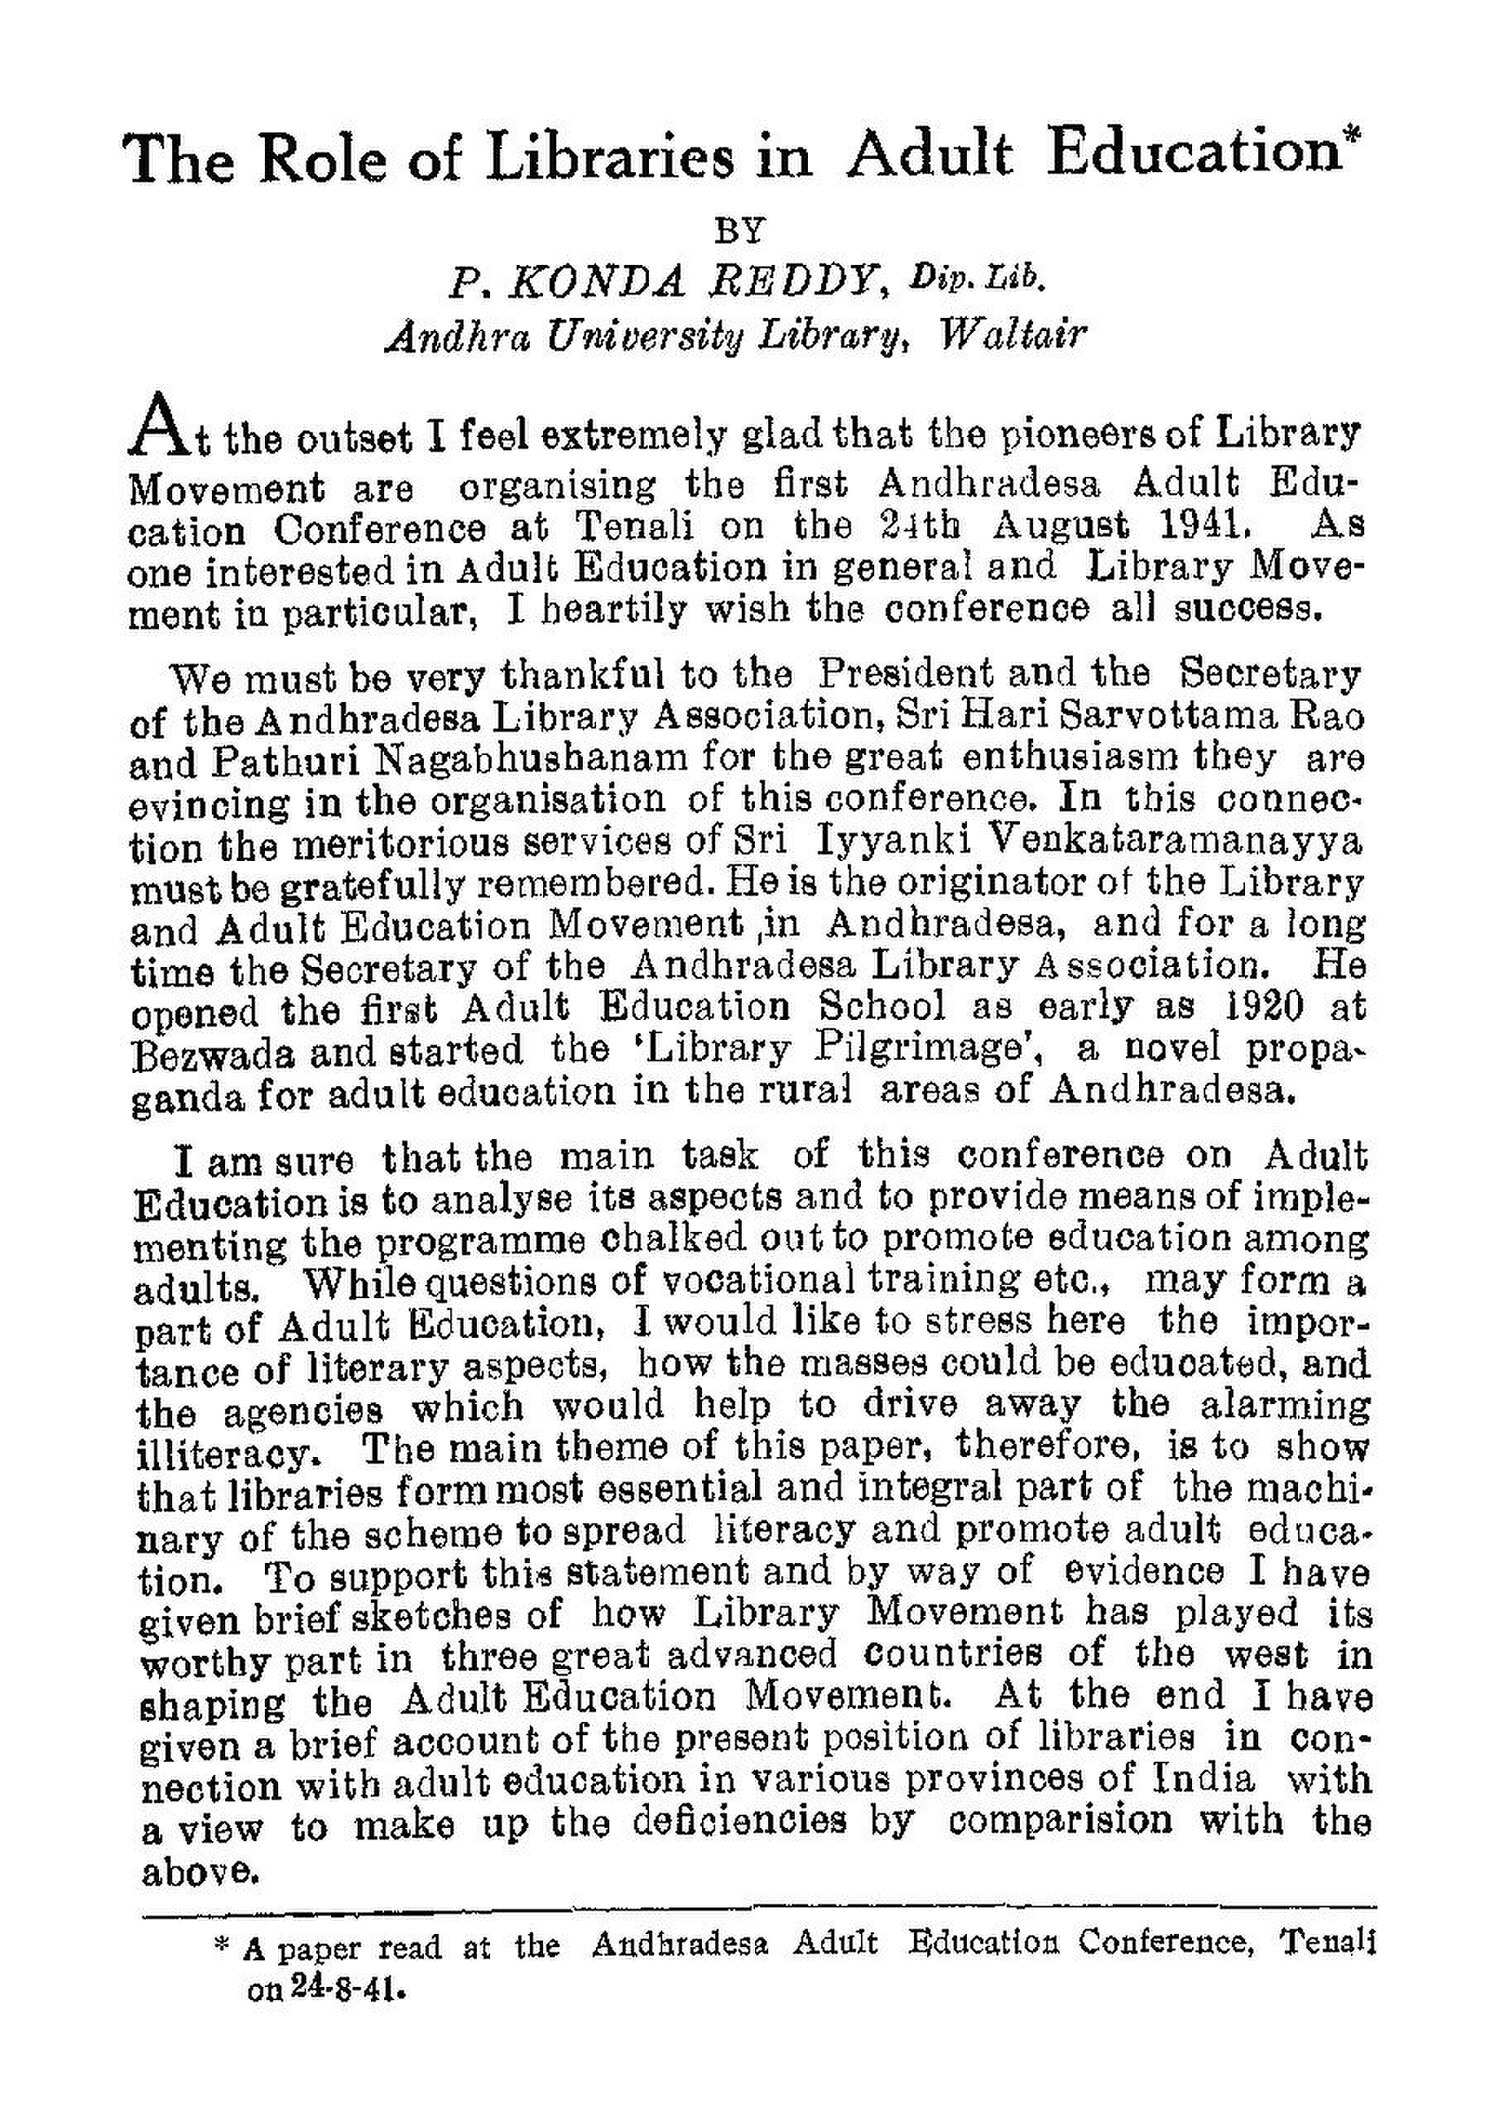At the outset I feel extremely glad that the pioneers of Library Movement are organizing the first Andhradesa 
Adult Education Conference at Tenali on the 24th August 1941. As one interested in Adult Education in general 
and Library Movement in particular, I heartily wish the conference all success.

We must be very thankful to the President and the Secretary of the Andhradesa Library Association, Sri Hari Sarvottama Rao and Pathuri Nagabhushanam for the great enthusiasm they are evincing in the organization of this conference. In this connection the meritorious services of Sri Iyyanki Venkataramanayya must be gratefully remembered. He is the originator of the Library and Adult Education Movement in Andhradesa, and for a long
time the Secretary of the Andhradesa Library Association. He opened the first Adult Education School as early as 1920 at Bezwada and started the 'Library Pilgrimage', a novel propaganda for adult education in the rural areas 
of Andhradesa.

I am sure that the main task of this conference on Adult Education is to analyze its aspects and to provide means of implementing the programme chalked out to promote education among adults. While questions of vocational 
training etc., may form a part of Adult Education, I would like to stress here the importance of literary aspects, how the masses could be educated, and the agencies which would help to drive away the alarming illiteracy. The 
main theme of this paper, therefore, is to show that libraries form most essential and integral part of the 
machinery of the scheme to spread literacy and promote adult education. To support this statement and by way of evidence I have given brief sketches of how Library Movement has played its worthy part in three great advanced countries of the west in shaping the Adult Education Movement. At the end I have given a brief account of the present position of libraries in connection with adult education in various provinces of India with a view to 
make up the deficiencies by comparison with the above.